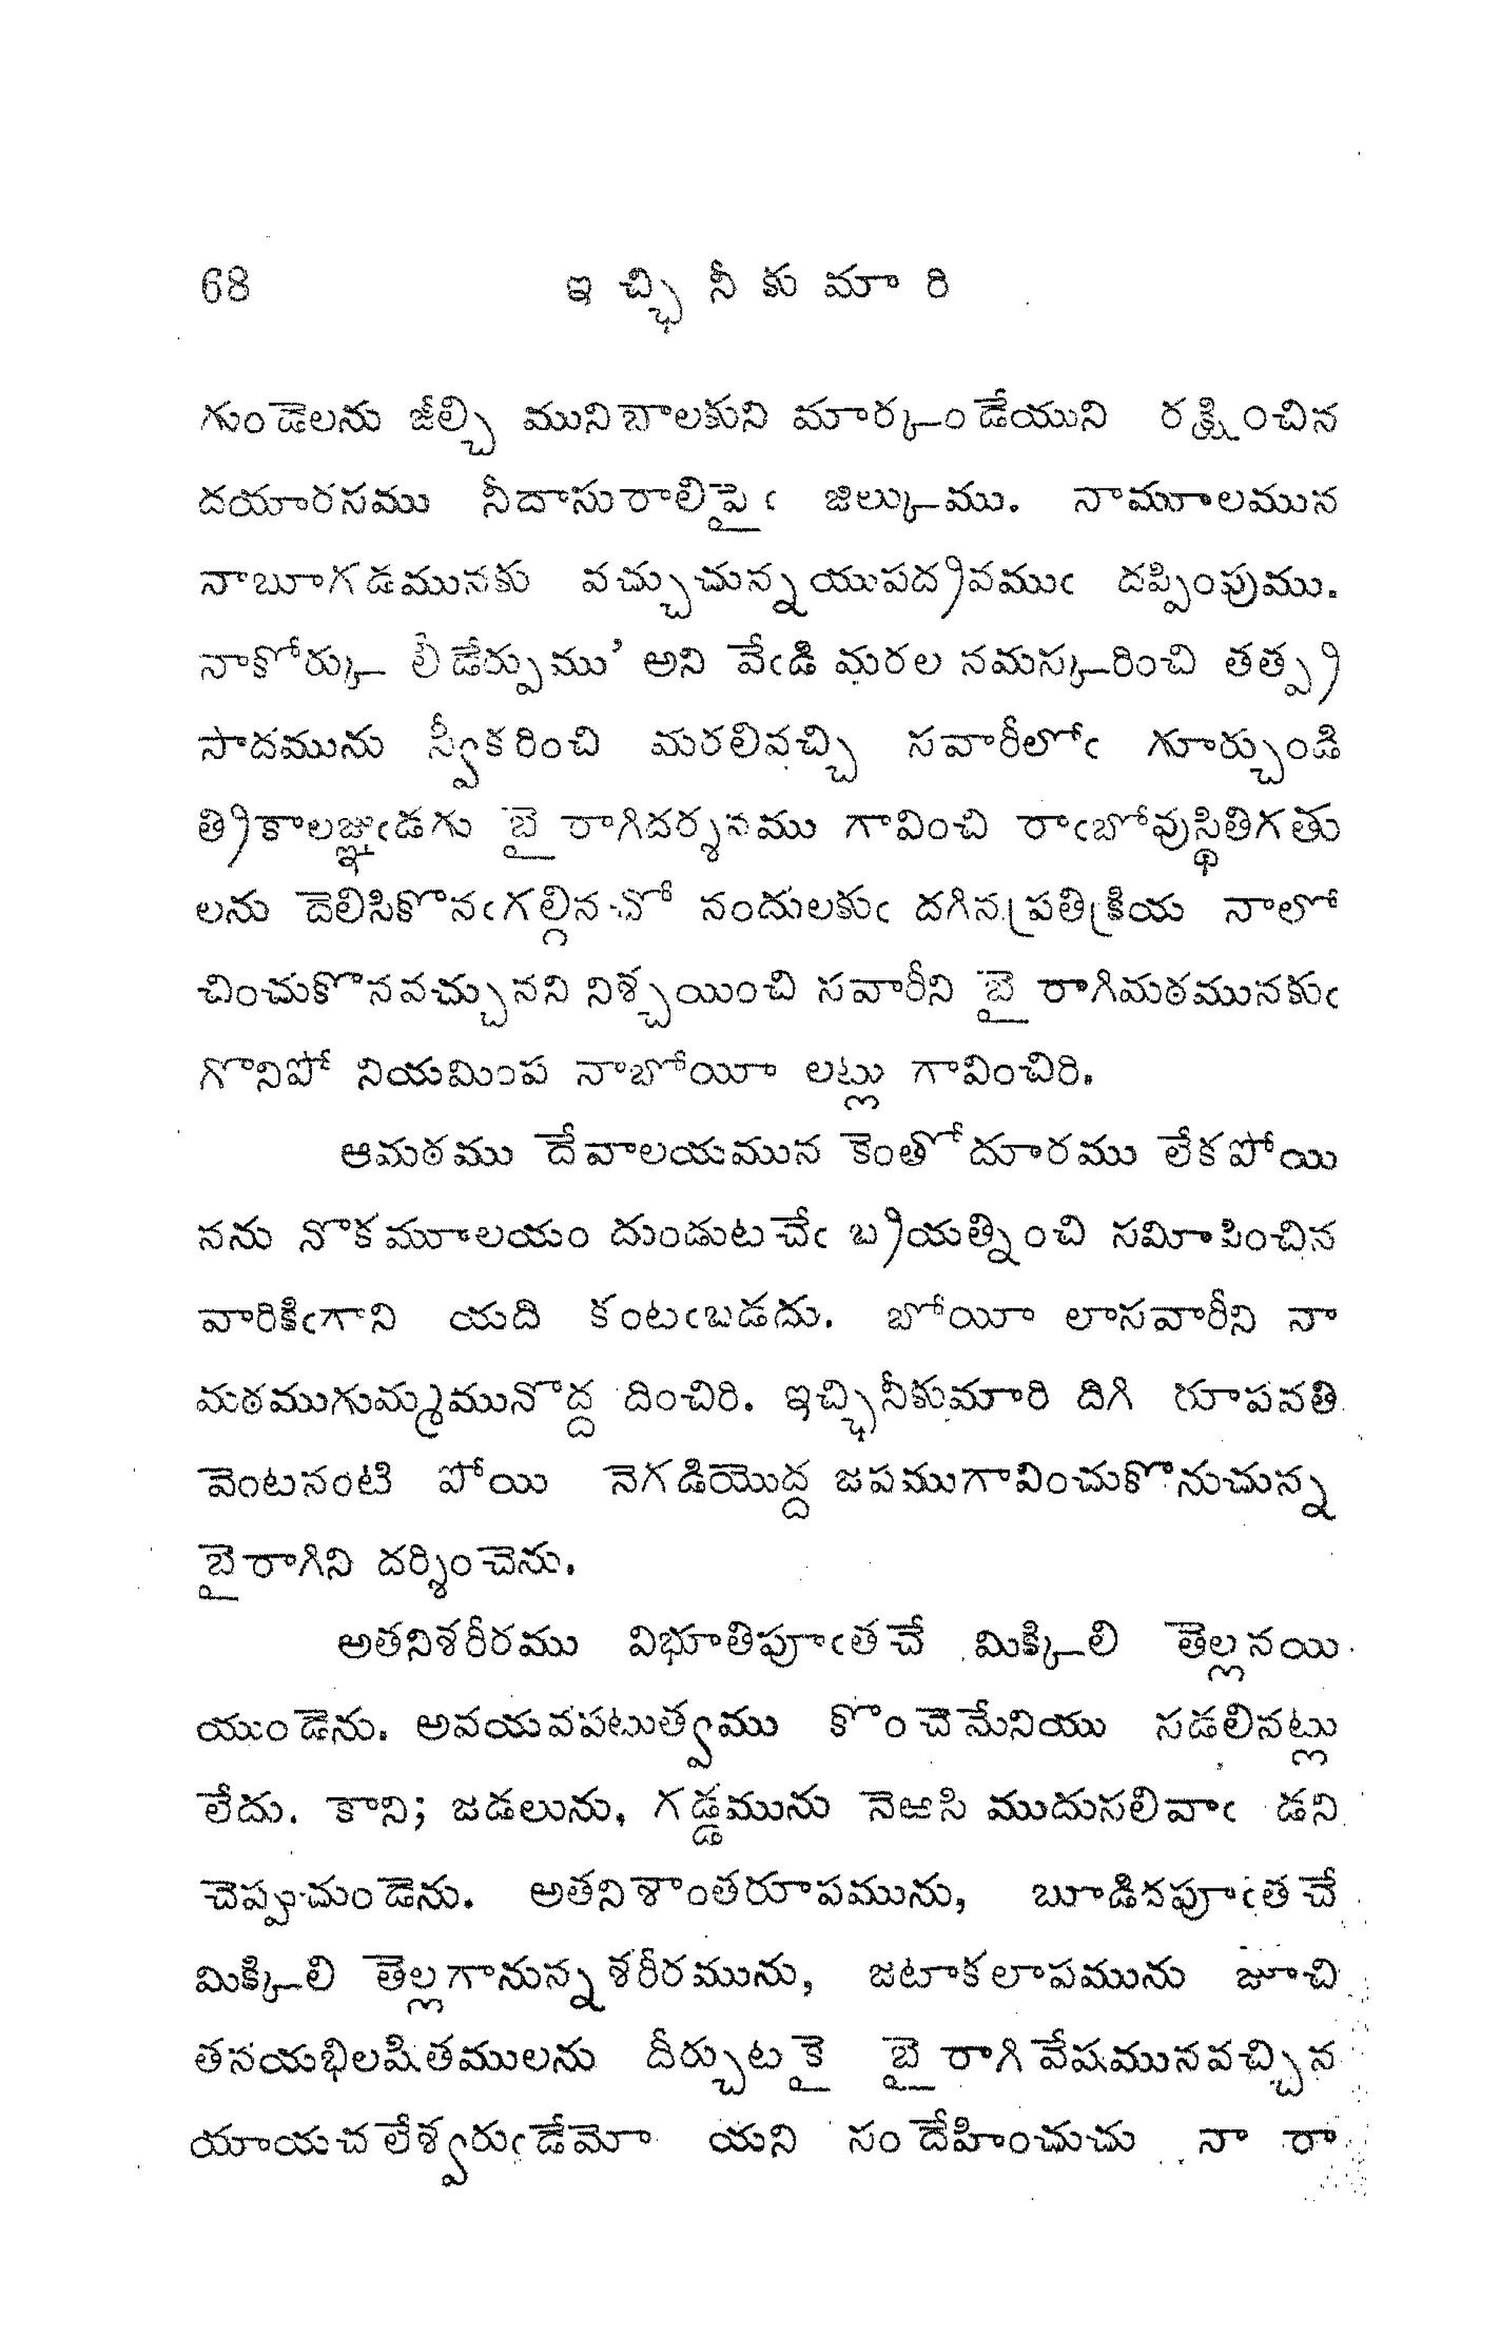గుండెలను జీల్చి ముని బాలకుని మార్కండేయుని రక్షించిన దయారసము నీదాసురాలిపై , జిల్కుము. నామూలమున నాబూగడమునకు వచ్చుచున్న యుపదవముఁ దప్పింపుము. నాకోర్కు లీ డేర్పుము' అని వేఁడి మరల నమస్కరించి తత్ప్ర సాదమును స్వీకరించి మరలివచ్చి సవారీలోఁ గూర్చుండి త్రికాలజ్ఞుఁడగు 'బై రాగిదర్శనము గావించి రాఁబోవు స్థితిగతు లను దెలిసికొనఁగల్గినచో నందులకుఁ దగిన ప్రతి క్రియ నాలో చించుకొనవచ్చునని నిశ్చయించి సవారీని 'బై రాగిమఠమునకుఁ గొనిపో నియమింప నాబోయీ లట్లు గావించిరి.

ఆమఠము దేవాలయమున కెంతో దూరము లేకపోయి నను నొక మూలయం దుండుట చేఁ బ్రయత్నించి సమీపించిన వారికిఁగాని యది కంటఁబడదు. బోయీ లాసవారీని నా మఠము గుమ్మమునొద్ద దించిరి. ఇచ్చినీకుమారి దిగి రూపవతి . వెంటనంటి పోయి నెగడియొద్ద జపముగావించుకొనుచున్న బైరాగిని దర్శించెను.

అతని శరీరము విభూతిపూఁతచే మిక్కిలి తెల్లనయి. యుండెను. అవయవ పటుత్వము కొంచెమేనియు సడలినట్లు లేదు. కాని; జడలును, గడ్డమును నెజుసి ముదుసలివాఁ డని చెప్పుచుండెను. అతని శాంతరూపమును, బూడిదపూఁత చే మిక్కిలి తెల్లగానున్న శరీరమును, జటాకలాపమును జూచి తనయభిలషితములను దీర్చుటకై బై రాగి వేషమున వచ్చిన యాయచ లేశ్వరుఁడేమో యని 'సం దేహించుచు . నా రా